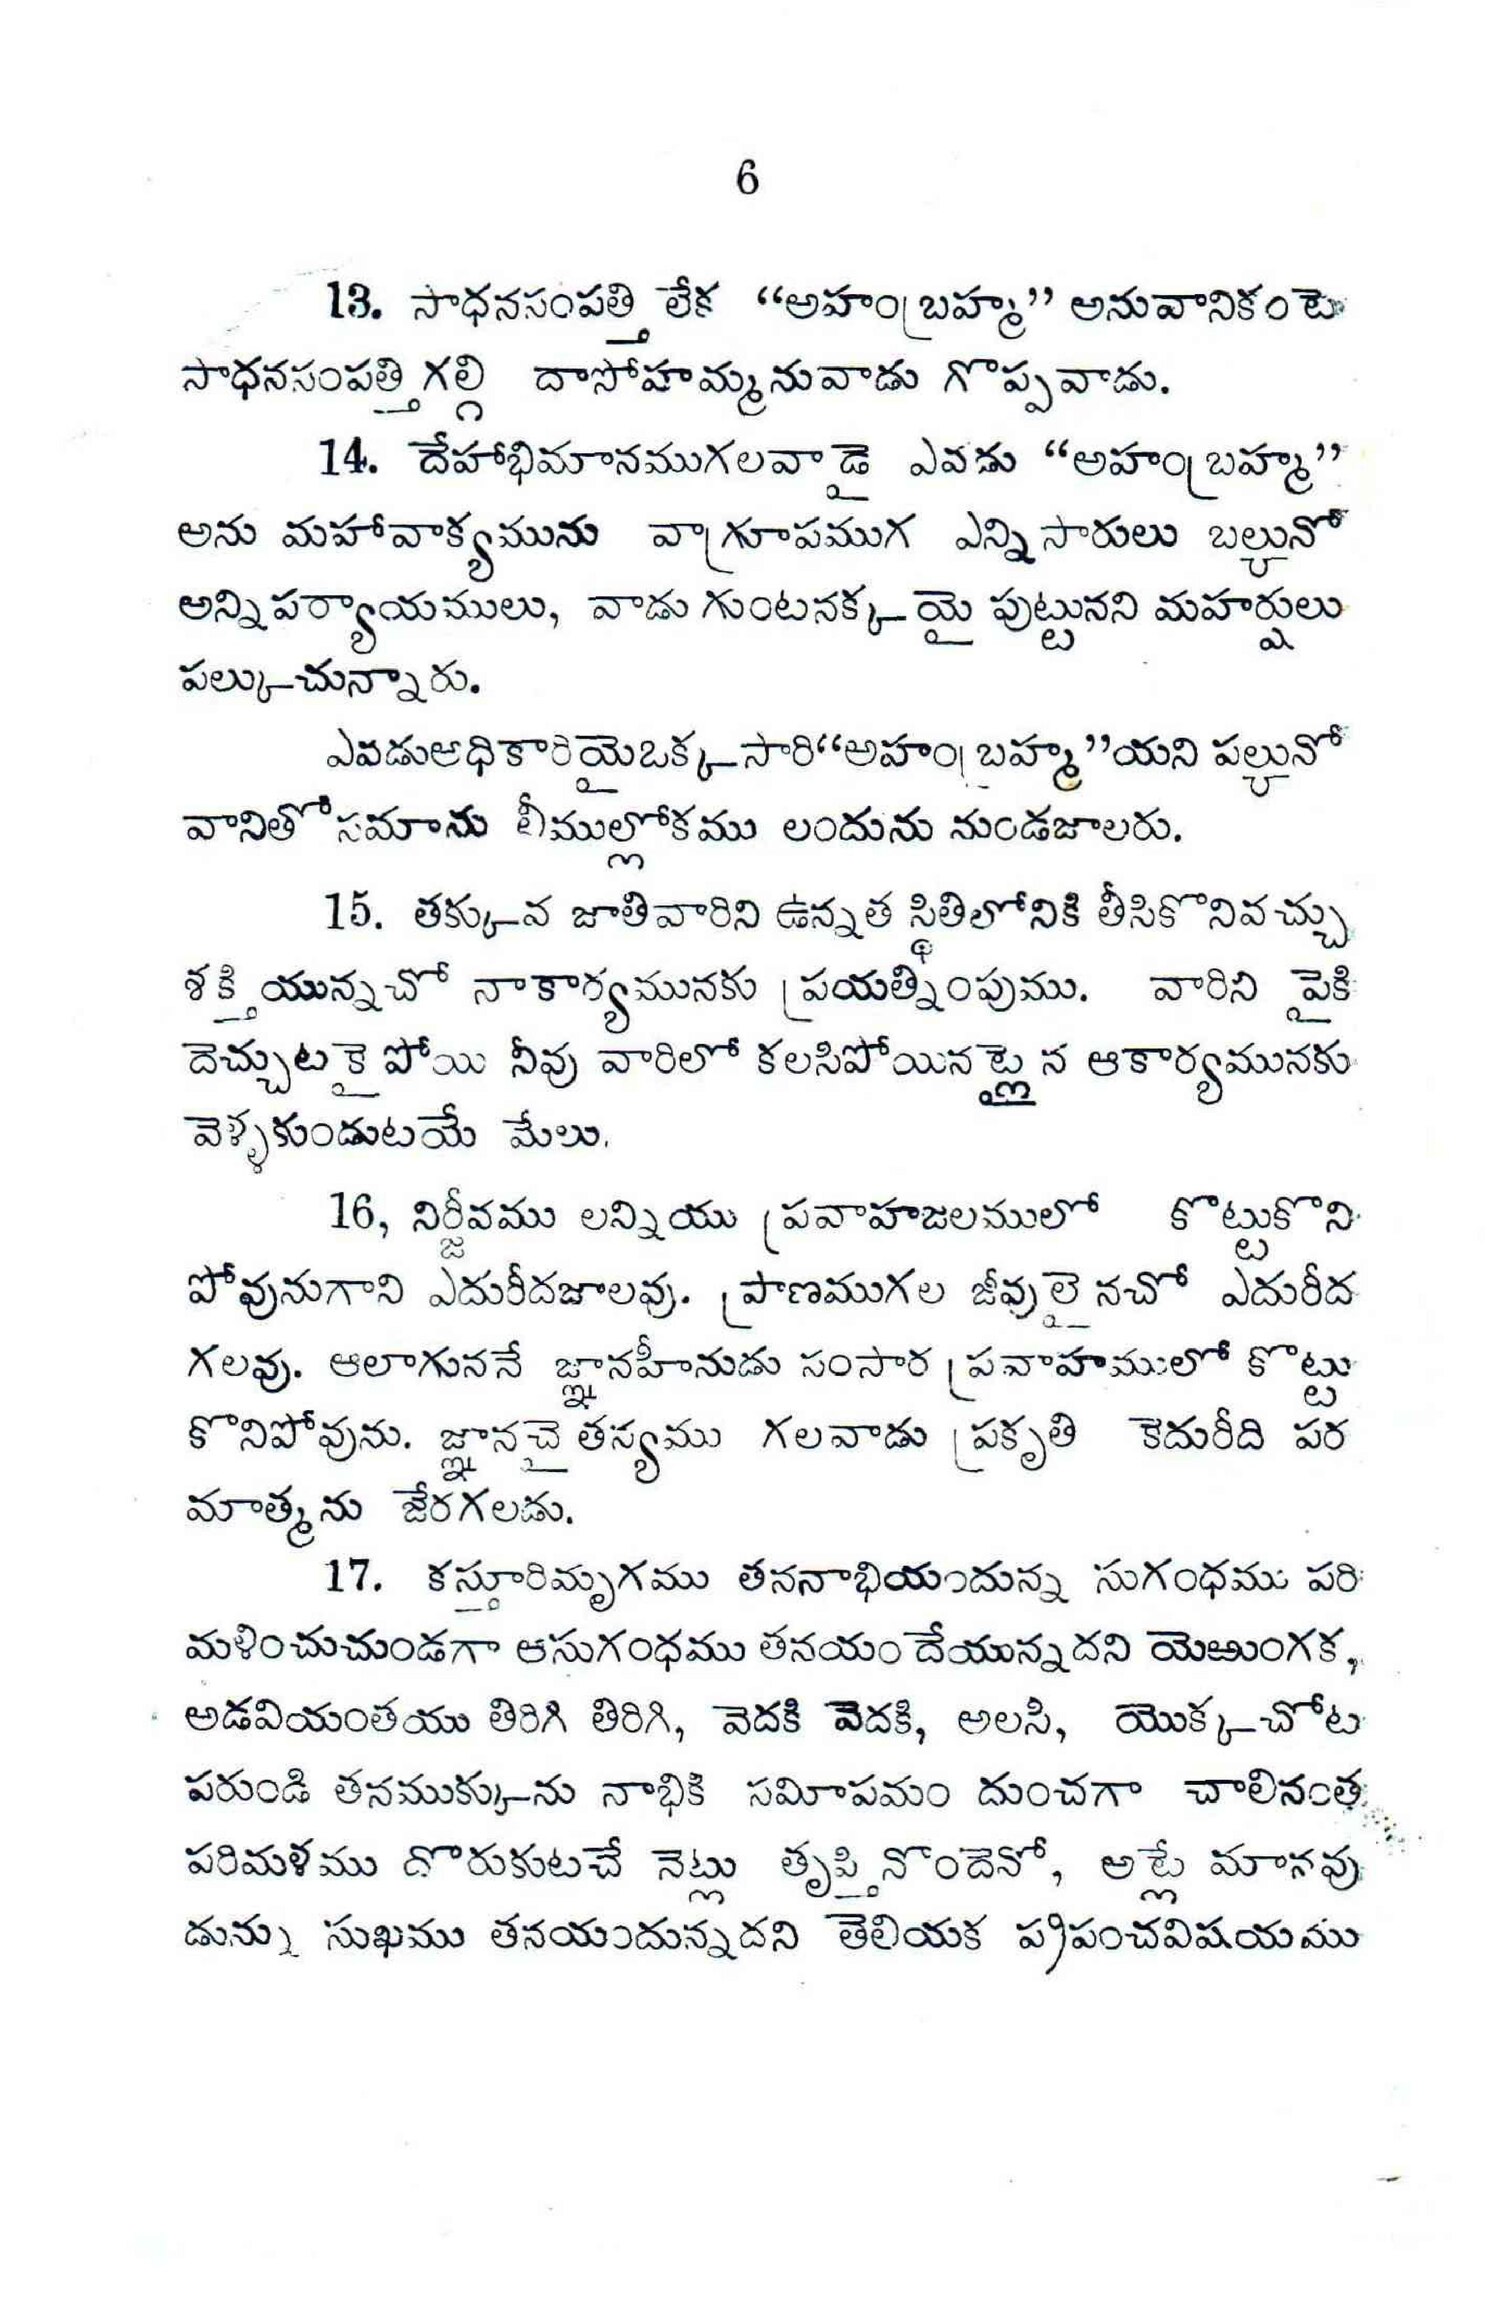13. సాధనసంపత్తి లేక “అహంబ్రహ్మ" అను వానికంటె సాధనసంపత్తి గల్గి దాసోహమ్మనువాడు గొప్పవాడు.

14. దేహాభిమానముగలవాడై ఎవడు “అహంబ్రహ్మ" అను మహావాక్యమును వాగ్రూపముగ ఎన్నిసారులు బల్కునో అన్నిపర్యాయములు, వాడు గుంటనక్కయై పుట్టునని మహర్షులు పల్కుచున్నారు.

ఎవడుఆధికారియైఒక్కసారి "అహంబహ్మ” యని పల్కునో వానితో సమాను లీముల్లోకము లందును నుండజాలరు.

15. తక్కువ జాతి వారిని ఉన్నత స్థితిలోనికి తీసికొనివచ్చు శక్తి యున్నచో నా కార్యమునకు ప్రయత్నింపుము. వారిని పైకి దెచ్చుటకైపోయి నీవు వారిలో కలసిపోయినట్లైన ఆకార్యమునకు వెళ్ళకుండుటయే మేలు.

16. నిర్జీవము లన్నియు ప్రవాహజలములో కొట్టుకొని పోవునుగాని ఎదురీదజాలవు. ప్రాణముగల జీవులైనచో ఎదురీదగలవు. ఆలాగుననే జ్ఞానహీనుడు సంసార ప్రవాహములో కొట్టుకొనిపోవును. జ్ఞాన చైతన్యము గలవాడు ప్రకృతి కెదురీది పరమాత్మను జేరగలడు.

17. కస్తూరిమృగము తననాభియందున్న సుగంధము పరిమళించుచుండగా ఆసుగంధము తనయందేయున్నదని యెఱుంగక, అడవియంతయు తిరిగి తిరిగి, వెదకి వెదకి, అలసి, యొక్క చోట పరుండి తనముక్కును నాభికి సమీపమం దుంచగా చాలినంత పరిమళము దొరుకుటచే నెట్లు తృప్తి నొందెనో, అట్లే మానవుడున్ను సుఖము తనయందున్నదని తెలియక ప్రపంచవిషయము